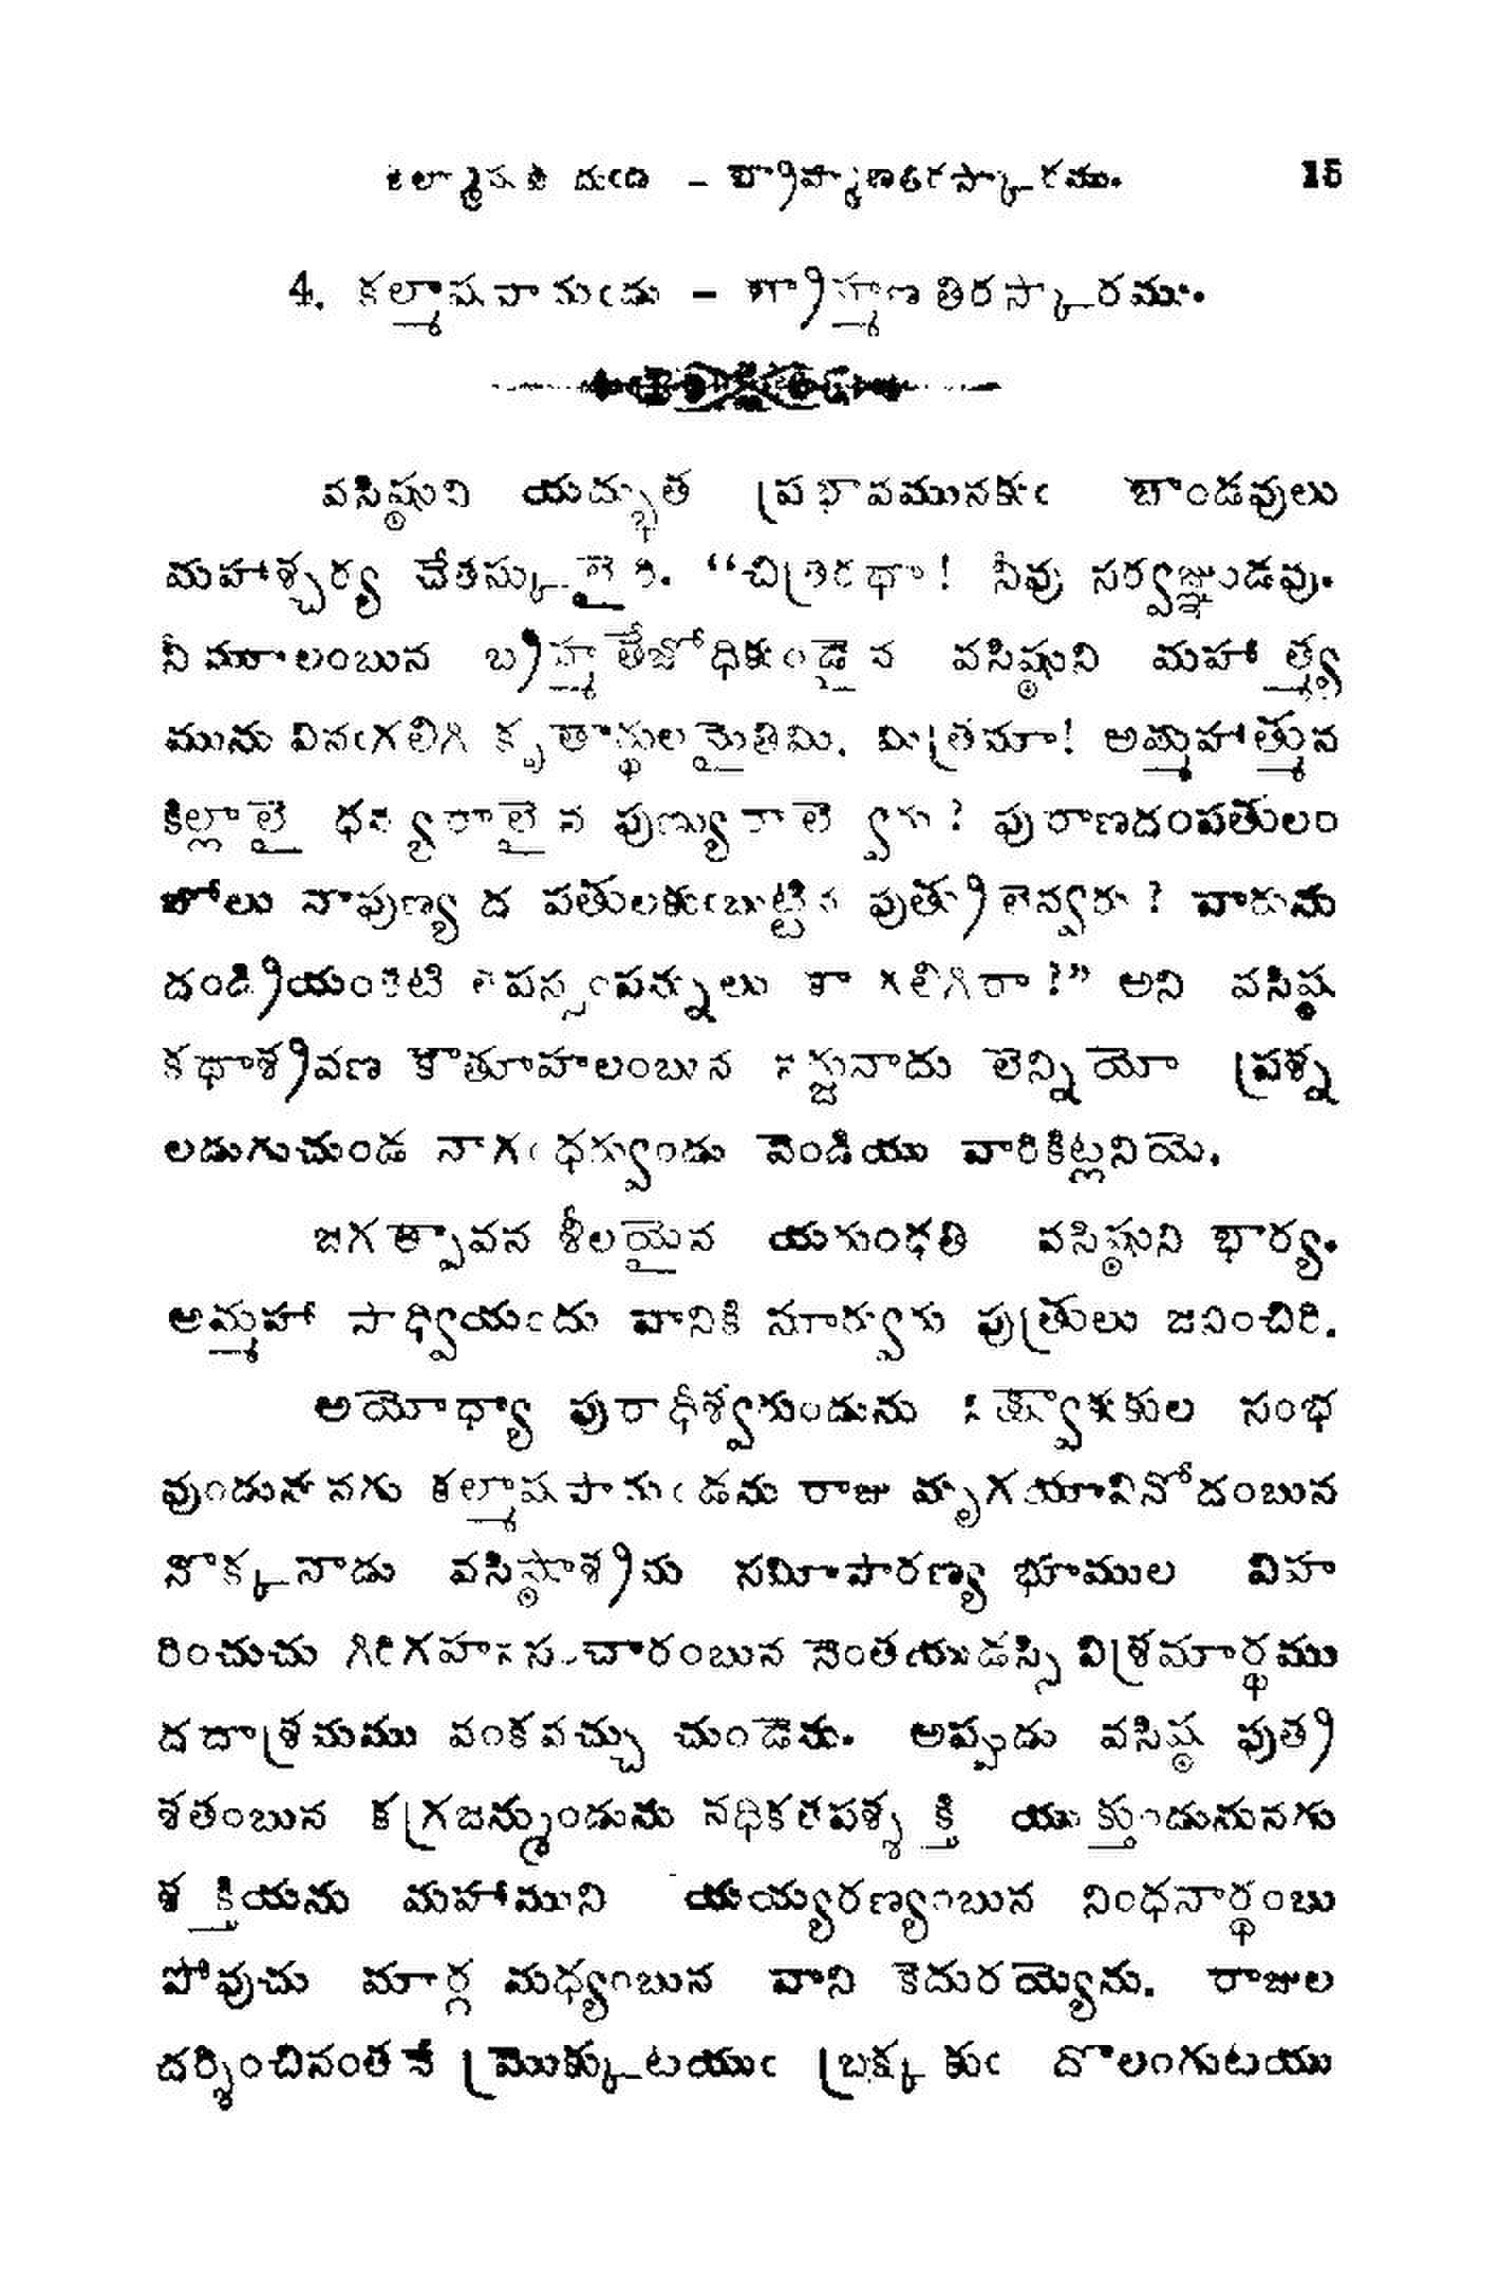4. కల్మాషపాదుఁడు - బ్రాహ్మణతిరస్కారము.

వసిష్ఠుని యద్భుత ప్రభావమునకుఁ బాండవులు మహాశ్చర్య చేతస్కులైరి. “చిత్రరథా ! నీవు సర్వజ్ఞుండవు. నీ మూలంబున బ్రహ్మతేజోధికుండైన వసిష్ఠుని మహాత్మ్యమును వినఁగలిగి కృతార్థులమైత్రిమి. మిత్రమా ! అమ్మహాత్మున కిల్లాలై ధన్యురాలైన పుణ్యురాలెవ్వరు ? పురాణదంపతులంబోలు నాపుణ్య దంపతులకుఁబుట్టిన పుత్రులెవ్వరు ? వారును దండ్రియంతటి తపస్సంపన్నులు కా గలిగిరా ?” అని వసిష్ఠ కథాశ్రవణ కౌతూహలంబున నర్జునాదు లెన్ని యో ప్రశ్న లడుగుచుండ నాగంధర్వుండు వెండియు వారికిట్లనియె.

జగత్పావన శీలయైన యరుంధతి వసిష్ఠుని భార్య. అమ్మహా సాధ్వియందు వనికి నూర్వురు పుత్రులు జనించిరి.

అయోధ్యా పురాధీశ్వరుండును నిక్ష్వాకుకుల సంభవుండునునగు కల్మాషపాదుఁడను రాజు మృగయావినోదంబున నొక్కనాడు వసిష్ఠాశ్రమ సమీపారణ్య భూముల విహరించుచు గిరిగహనసంచారంబున నెంతయుడస్సి విశ్రమార్థము దదాశ్రమము వంకవచ్చు చుండెను. అప్పుడు వసిష్ఠ పుత్ర శతంబున కగ్రజన్ముండును నధికతపశ్శక్తి యుక్తుండునునగు శక్తియను మహాముని యయ్యరణ్యంబున నింధనార్థంబు పోవుచు మార్గ మధ్యంబున వాని కెదురయ్యెను. రాజుల దర్శించినంతనే మ్రొక్కుటయుఁ బ్రక్క కుఁ దొలంగుటయు